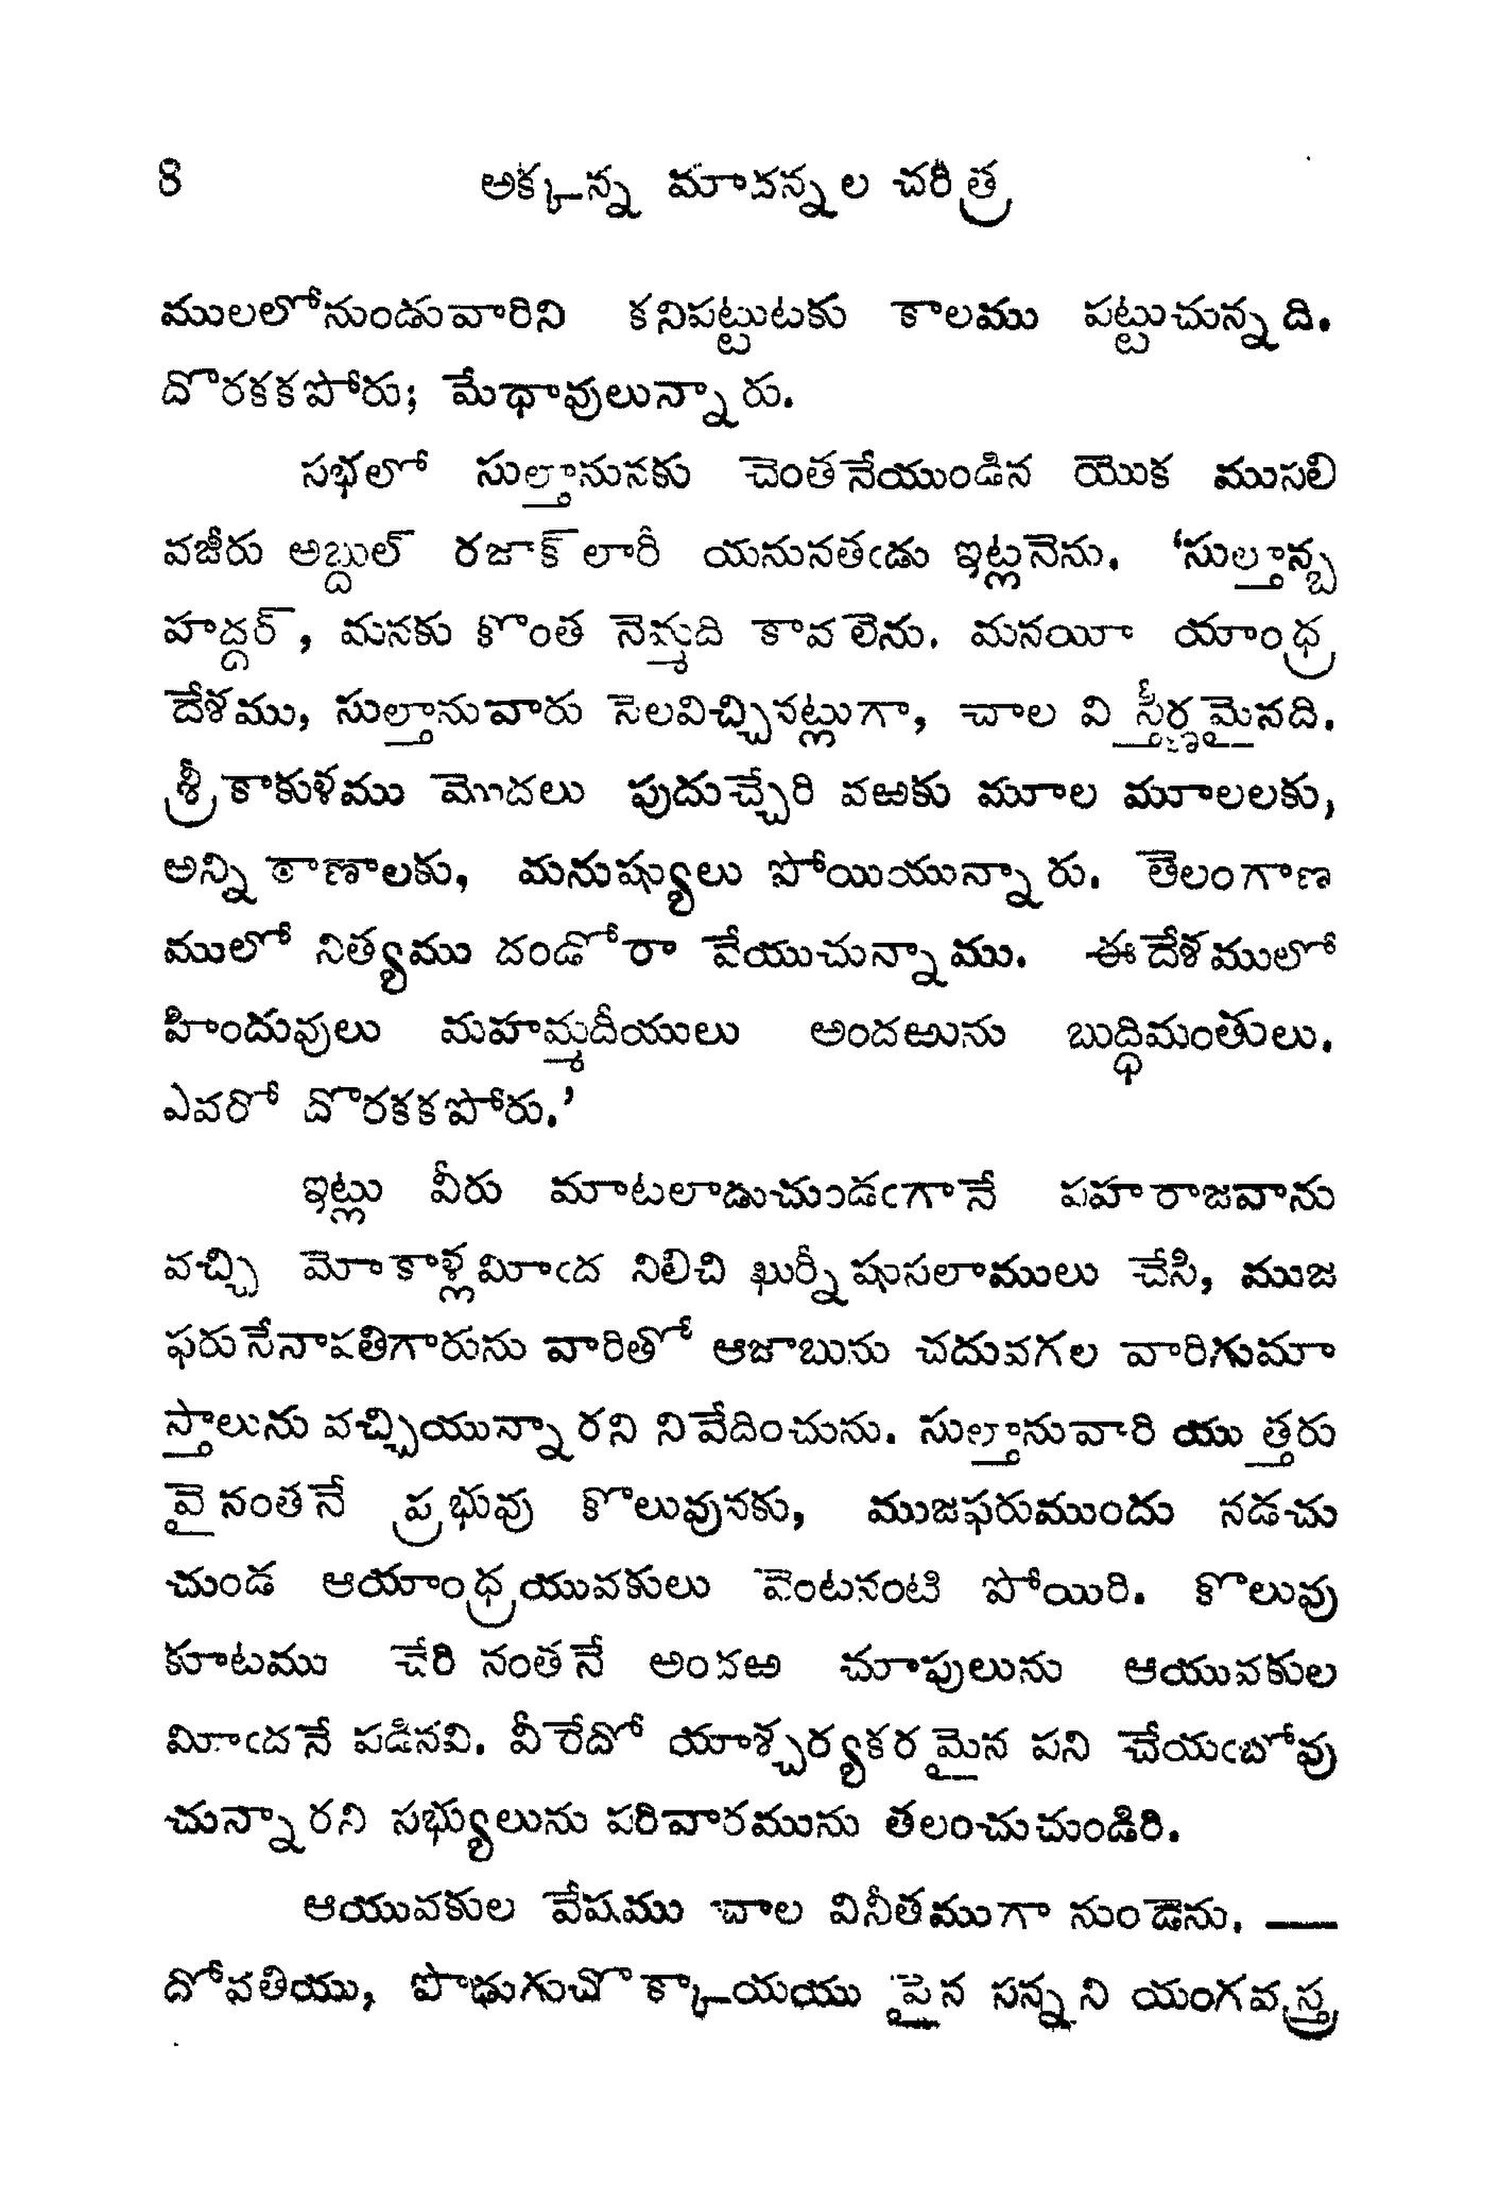ములలోనుండువారిని కనిపట్టుటకు కాలము పట్టుచున్నది. దొరకకపోరు; మేధావులున్నారు.

సభలో సుల్తానునకు చెంతనేయుండిన యొక ముసలి వజీరు అబ్దుల్ రజాక్‌లారీ యనునతఁడు ఇట్లనెను. ‘సుల్తాన్బహద్దర్, మనకు కొంత నెమ్మది కావలెను. మనయీ యాంధ్రదేశము, సుల్తానువారు సెలవిచ్చినట్లుగా, చాల విస్తీర్ణమైనది. శ్రీకాకుళము మొదలు పుదుచ్చేరి వఱకు మూల మూలలకు, అన్ని ఠాణాలకు, మనుష్యులు పోయియున్నారు. తెలంగాణములో నిత్యము దండోరా వేయుచున్నాము. ఈదేశములో హిందువులు మహమ్మదీయులు అందఱును బుద్ధిమంతులు. ఎవరో దొరకకపోరు.’

ఇట్లు వీరు మాటలాడుచుండఁగానే పహరాజవాను వచ్చి మోకాళ్లమీఁద నిలిచి ఖుర్నీషుసలాములు చేసి, ముజఫరుసేనాపతిగారును వారితో ఆజాబును చదువగల వారిగుమాస్తాలును వచ్చియున్నారని నివేదించును. సుల్తానువారి యుత్తరు వైనంతనే ప్రభువు కొలువునకు, ముజఫరుముందు నడచుచుండ ఆయాంధ్రయువకులు వెంటనంటి పోయిరి. కొలువు కూటము చేరి నంతనే అందఱ చూపులును ఆయువకుల విూఁదనే పడినవి. వీరేదో యాశ్చర్యకరమైన పని చేయఁబోవుచున్నారని సభ్యులును పరివారమును తలంచుచుండిరి.

ఆయువకుల వేషము చాల వినీతముగా నుండెను. — దోవతియు, పొడుగుచొక్కాయయు పైన సన్నని యంగవస్త్ర